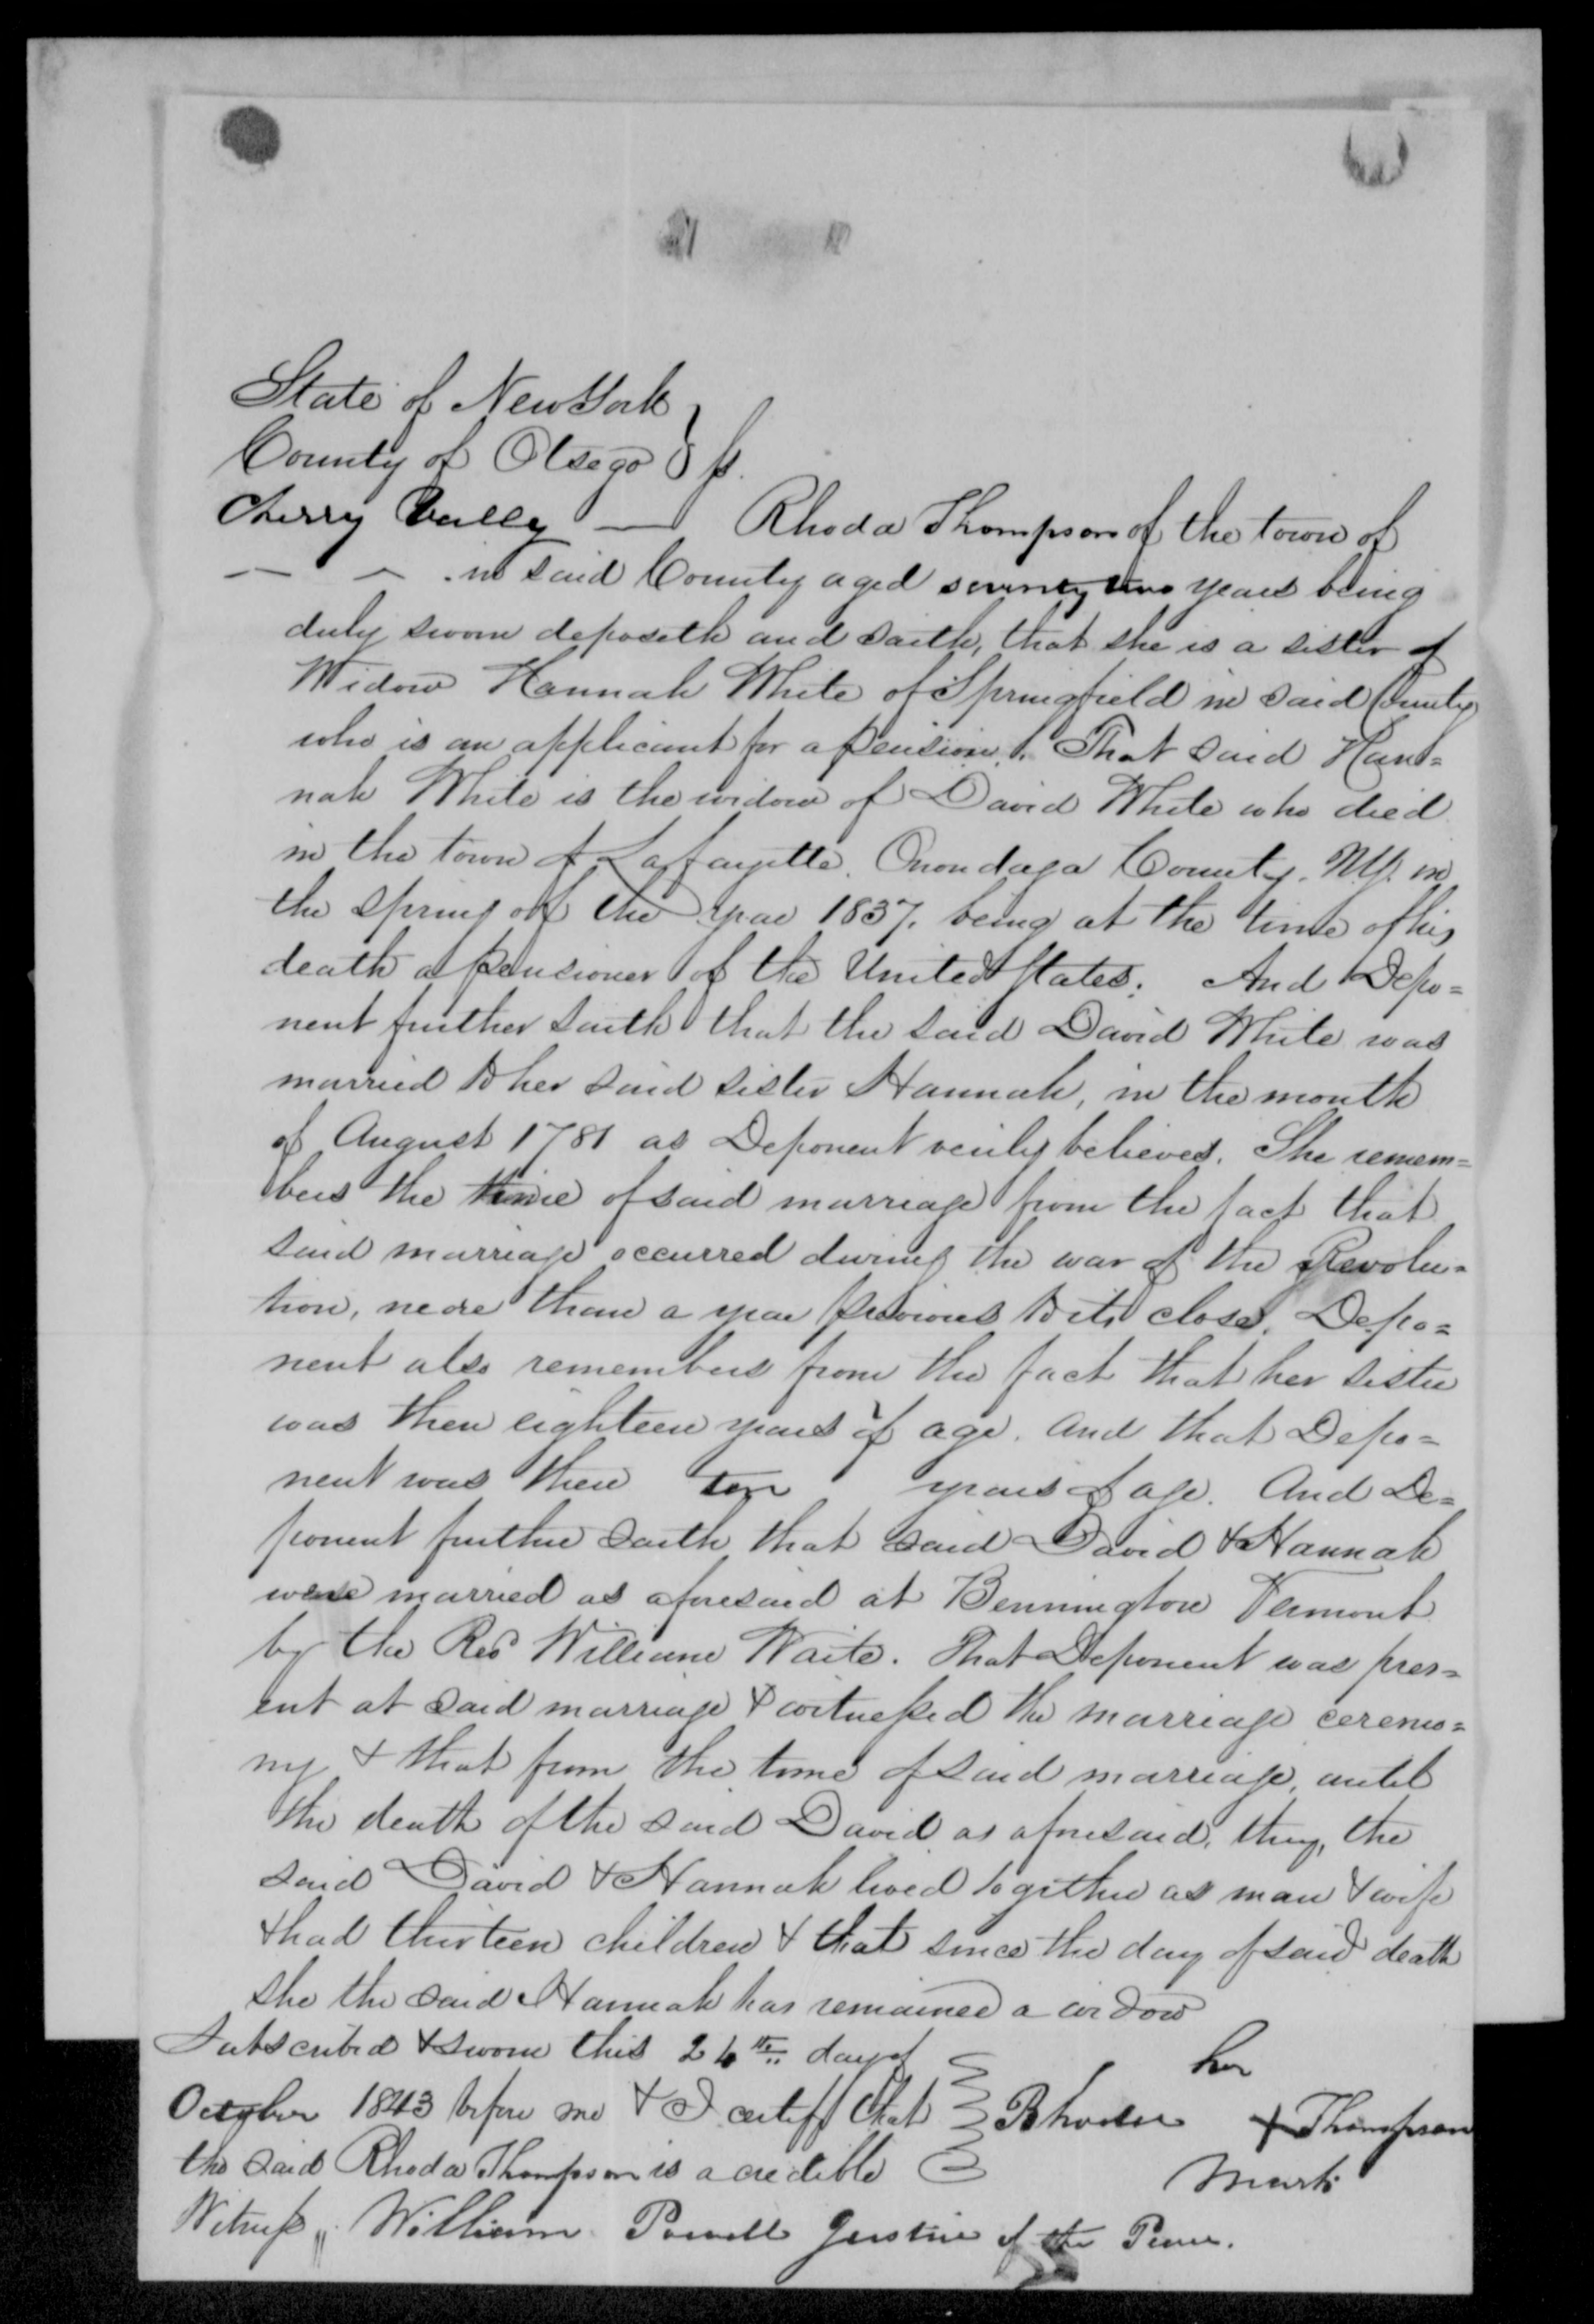State of New York}
County of Otsego}

Cherry Valley ---- Rhoda Thompson of the town of ---- in said County aged seventy two years being duly sworn deposeth and saith, that she is a sister of Widow Hannah White of Springfield in said County who is an applicant for a pension; That said Hannah White is the widow of David White who died in the town of Lafayette Onondaga County, NY in the spring of the year 1837, being at the time of his death a pensioner of the United States. And Deponent further saith that the said David White was Married to her said sister Hannah, in the month of August 1781 as Deponent verily believed. She remembered the time of said marriage from the fact that said marriage occurred during the war of the Revolution, more than a year previous to its close. Deponent also remembers from the fact that her sister was then eitheen years of age and that Deponent was then ten years of age. And Deponent further saith that said David  & Hannah were married as aforesaid at Bennington Vermont by the Rev. William Waite. That Deponent was present at said marriage & witnessed the marriage ceremony & that from the time of said marriage, until the death of the said David as aforesaid, they, the said David & Hannah lived together as man & wife had thirteen children & that since the day of said death she the said Hannah has remained a widow.

Rhoda X(her mark) Thompson

Subscribed & sworn this 24th day of October 1843 before me & I certify that the said Rhoda Thompson is a credible witness.

William Powell Justice of the Peace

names: Rhoda Thompson, Rhodie Thompson, William Waite, Hannah White, David White, William Powell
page: 24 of 63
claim: widow's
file: W. 18403, David White, Conn.